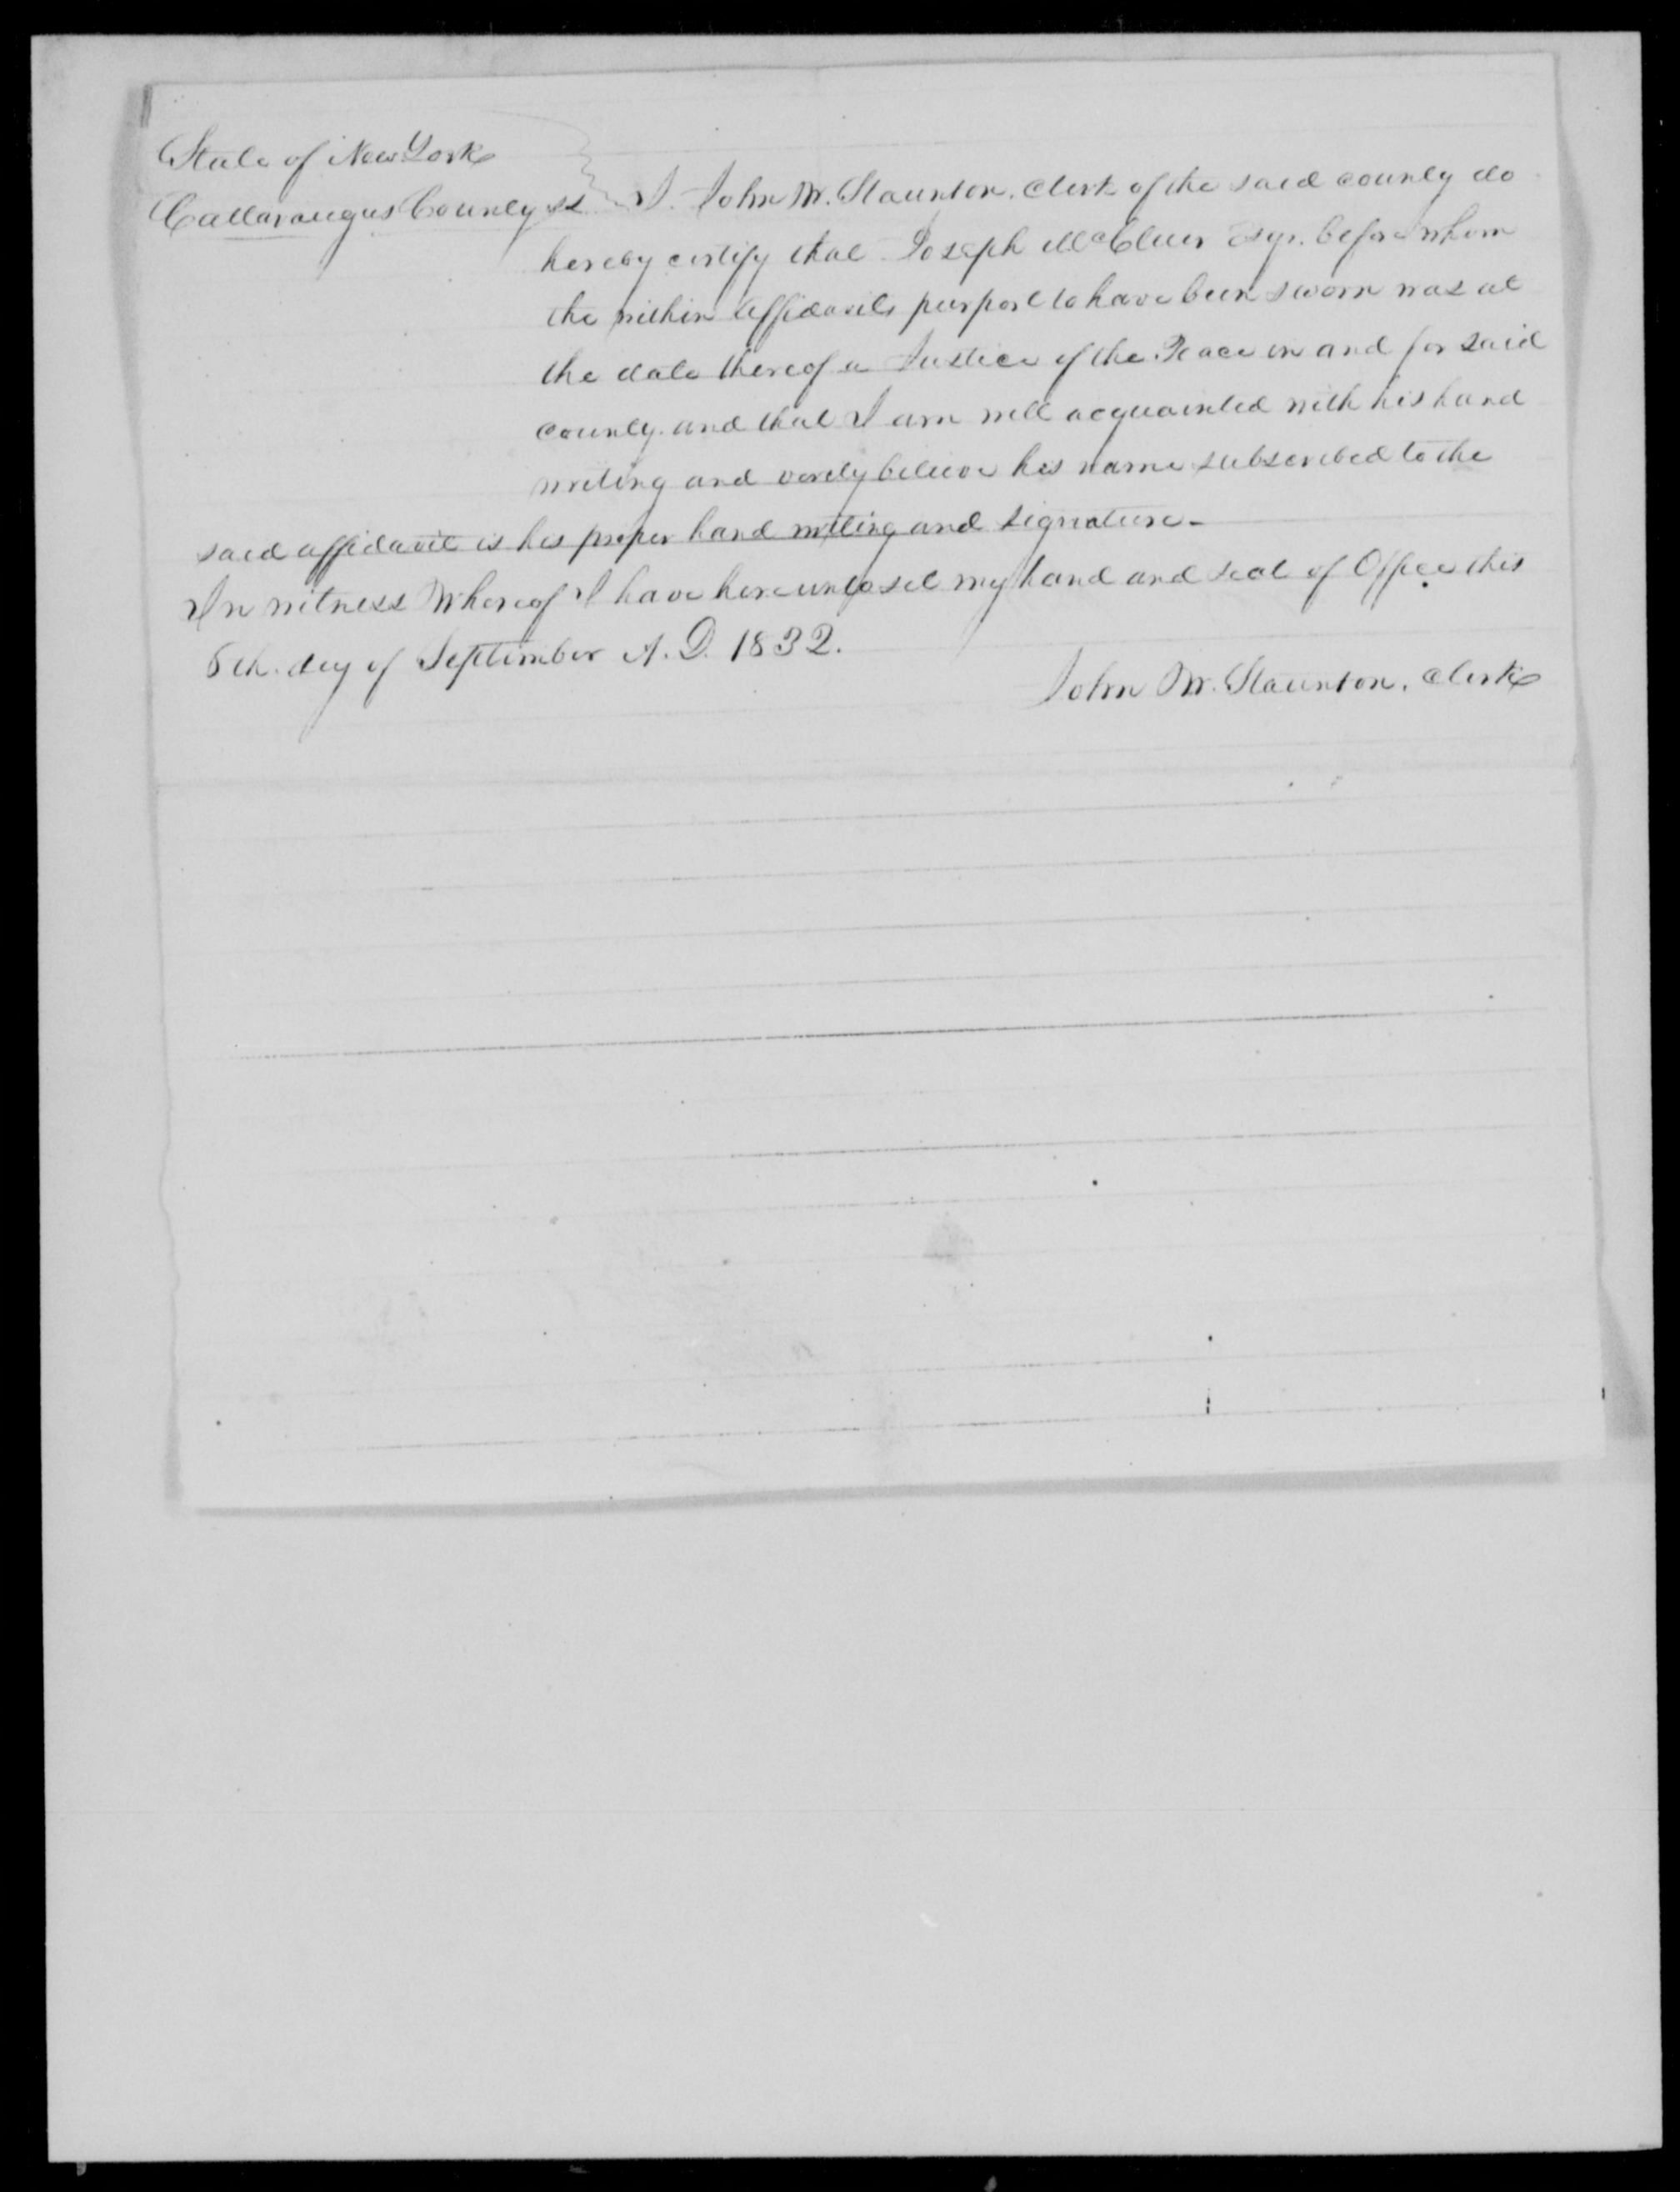State of New York}
Cattaraugus County ss.}

I, John M Staunton, clerk of the said county do hereby certify that Joseph McClair Esq. before whom the within affidavits purported to have been sworn was at the date thereof a Justice of the Peace in and for said county and that I am well acquainted with his hand writing and verily believe his name subscribed to the said affidavit is his proper hand writing and signature.

In witness whereof I have hereunto set my hand and seal of Office this 6th day of September A. D. 1832.

John M. Staunton,  Clerk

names: John M Staunton, John M Staunton, Joseph Mc Clair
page: 22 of 40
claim: widow's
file: W. 3742, Moses Warner, Conn.